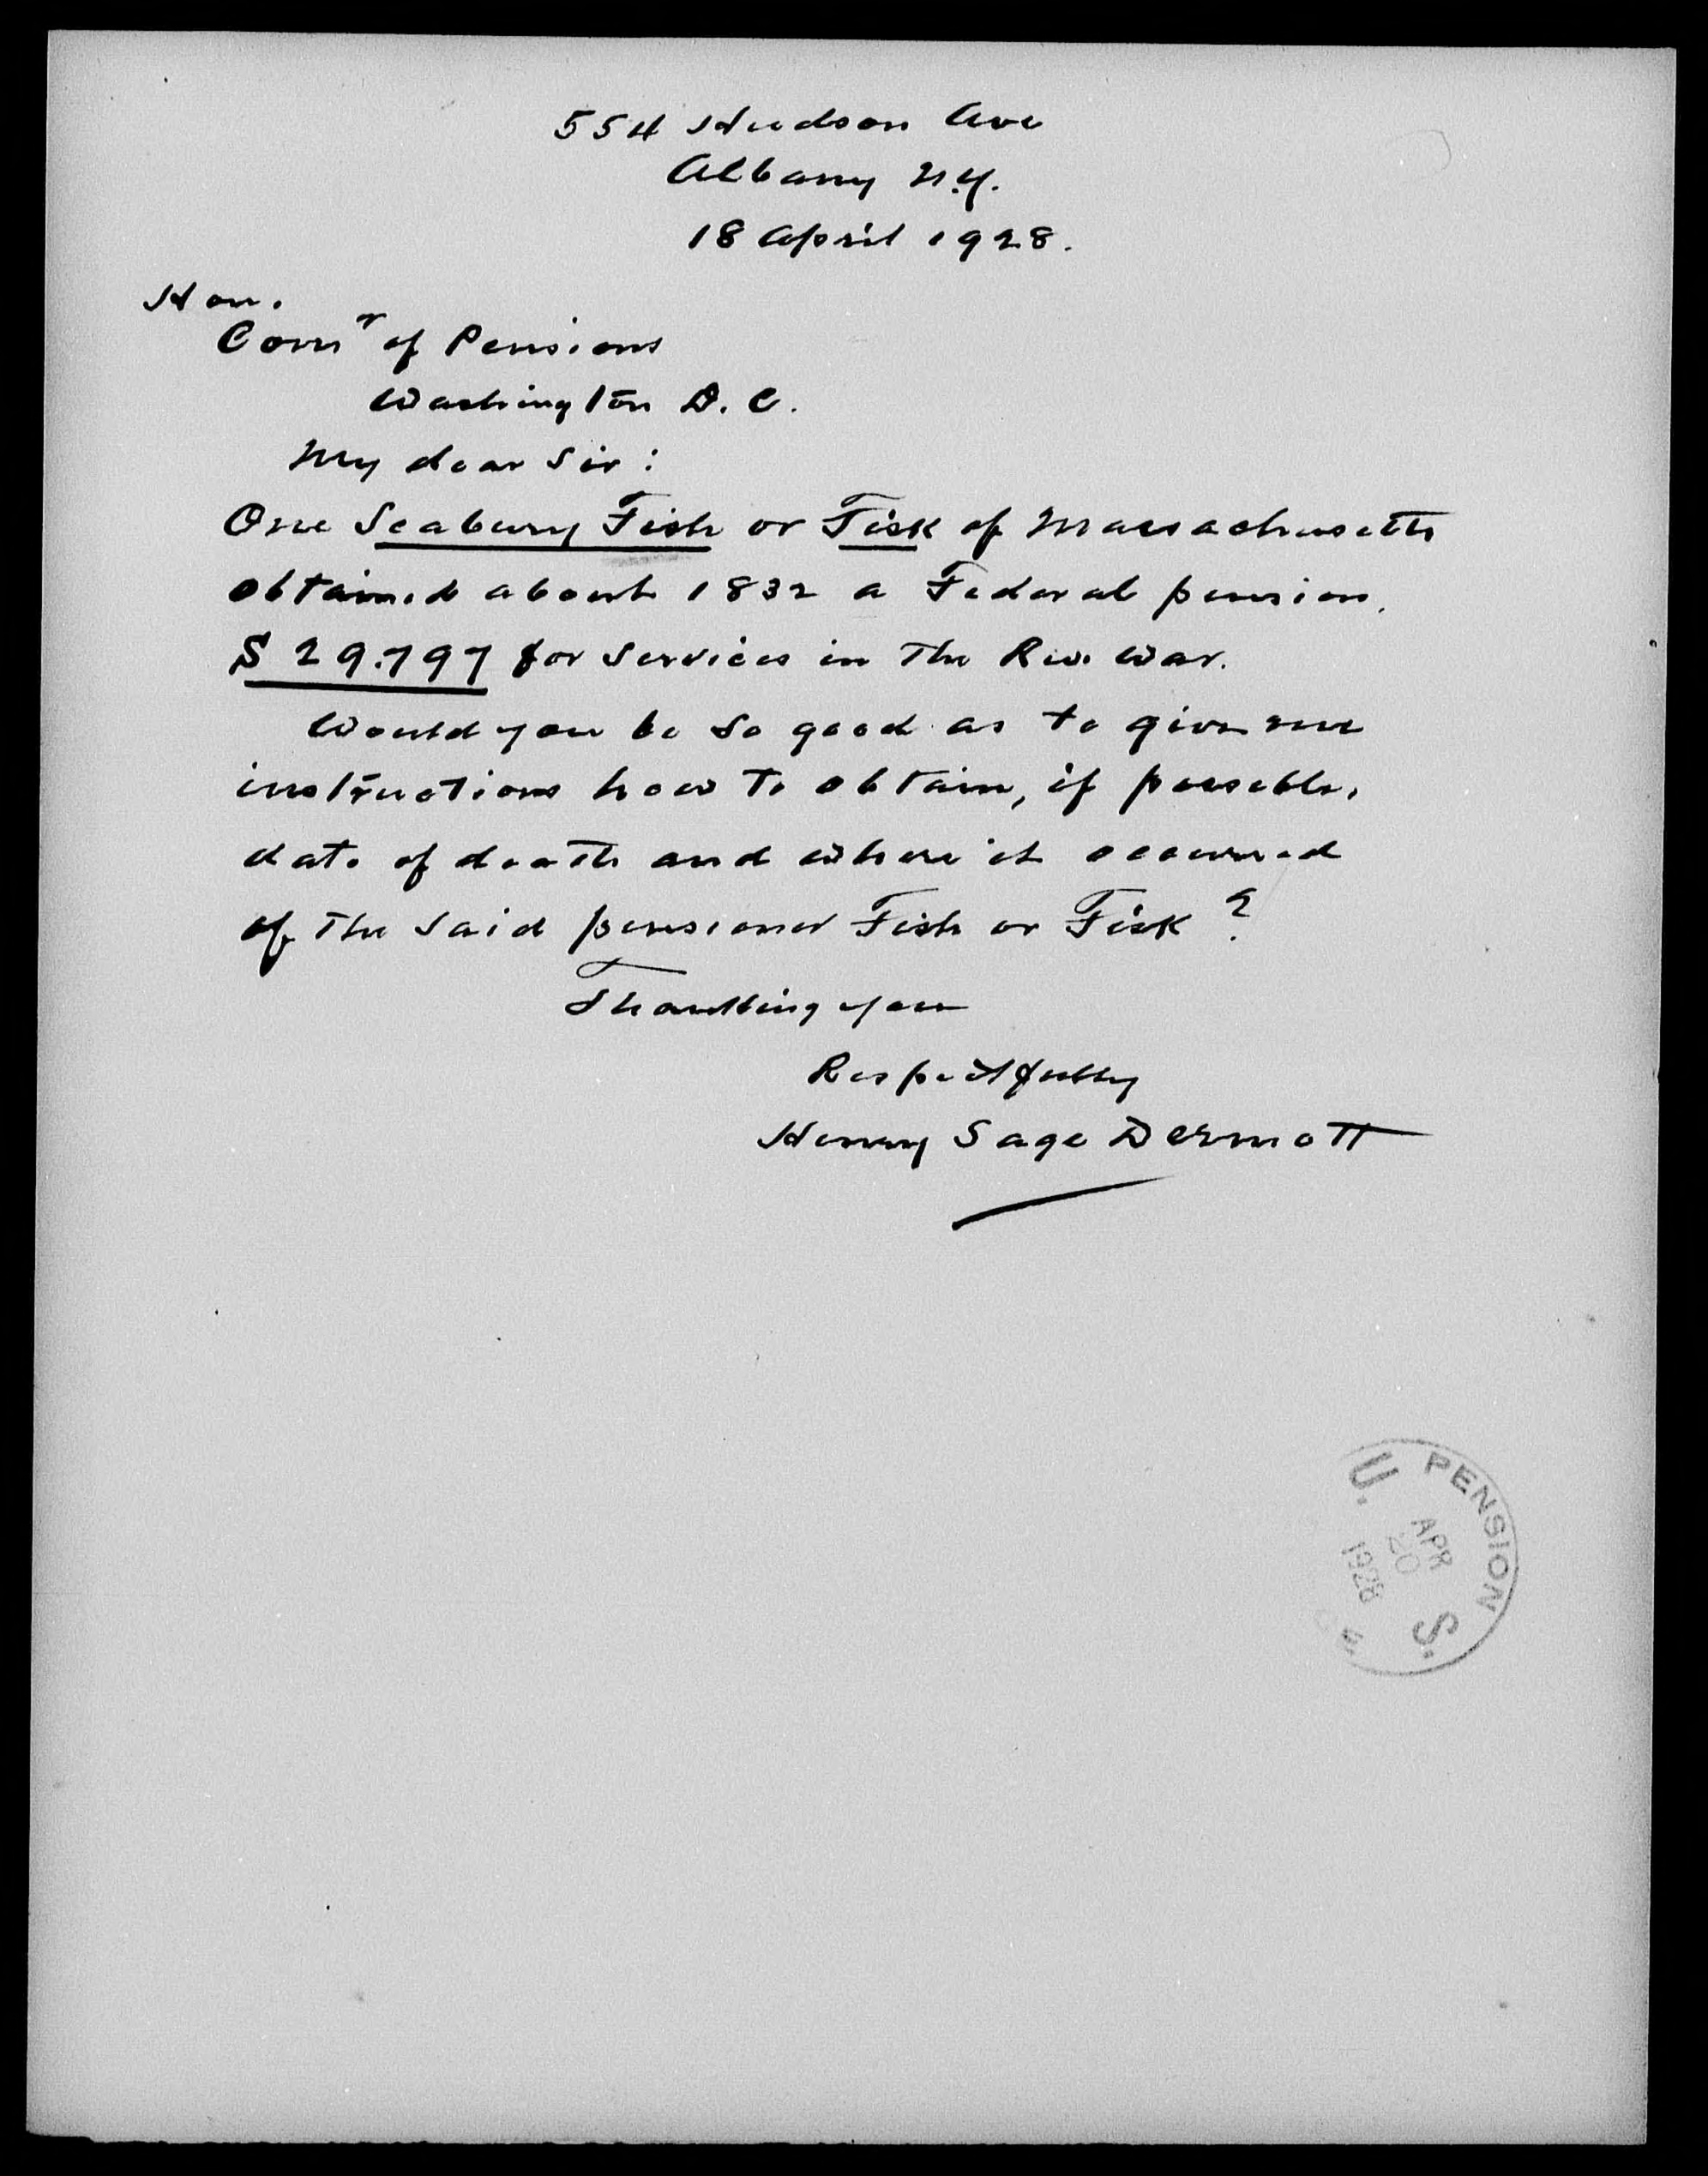[Handwritten letter in dark ink]

554 Hudson Ave
Albany N.Y.
18 April 1928.

Hon.
Comr of Pensions
Washington D.C.

My dear Sir:
One [here the next two words, the given name and surname, were underlined] Seabury [or Seaberry] Fish or [here the following surname is underlined] Fisk of Massachusetts obtained about 1832 a Federal pension, [here, underlining begins] S 29.797 [underlining stopped] for Services in The Rev. War.

Would you be So good as to give me instructions how To obtain, if possible, date of death and where it occurred of The Said pensioner Fish or Fisk?

Thanking you
Respectfully
Henry Sage Dermott
[A diagonal underline appears mostly under the middle name "Sage" and the "D" of Dermott.] 

[Near the lower right hand bottom corner of the page, there is a round printed stamp which reads:] PENSION
U.S. 
APR 20 1928
[With "____CE" underneath, and with other letters before the "_CE" being illegible because they're very faint.]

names: Fish, Seabury Fish, Seabury Fisk, Fisk, Henry Sage Dermott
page: 22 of 26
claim: survivor's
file: S. 29797, Seberry Fish, New York